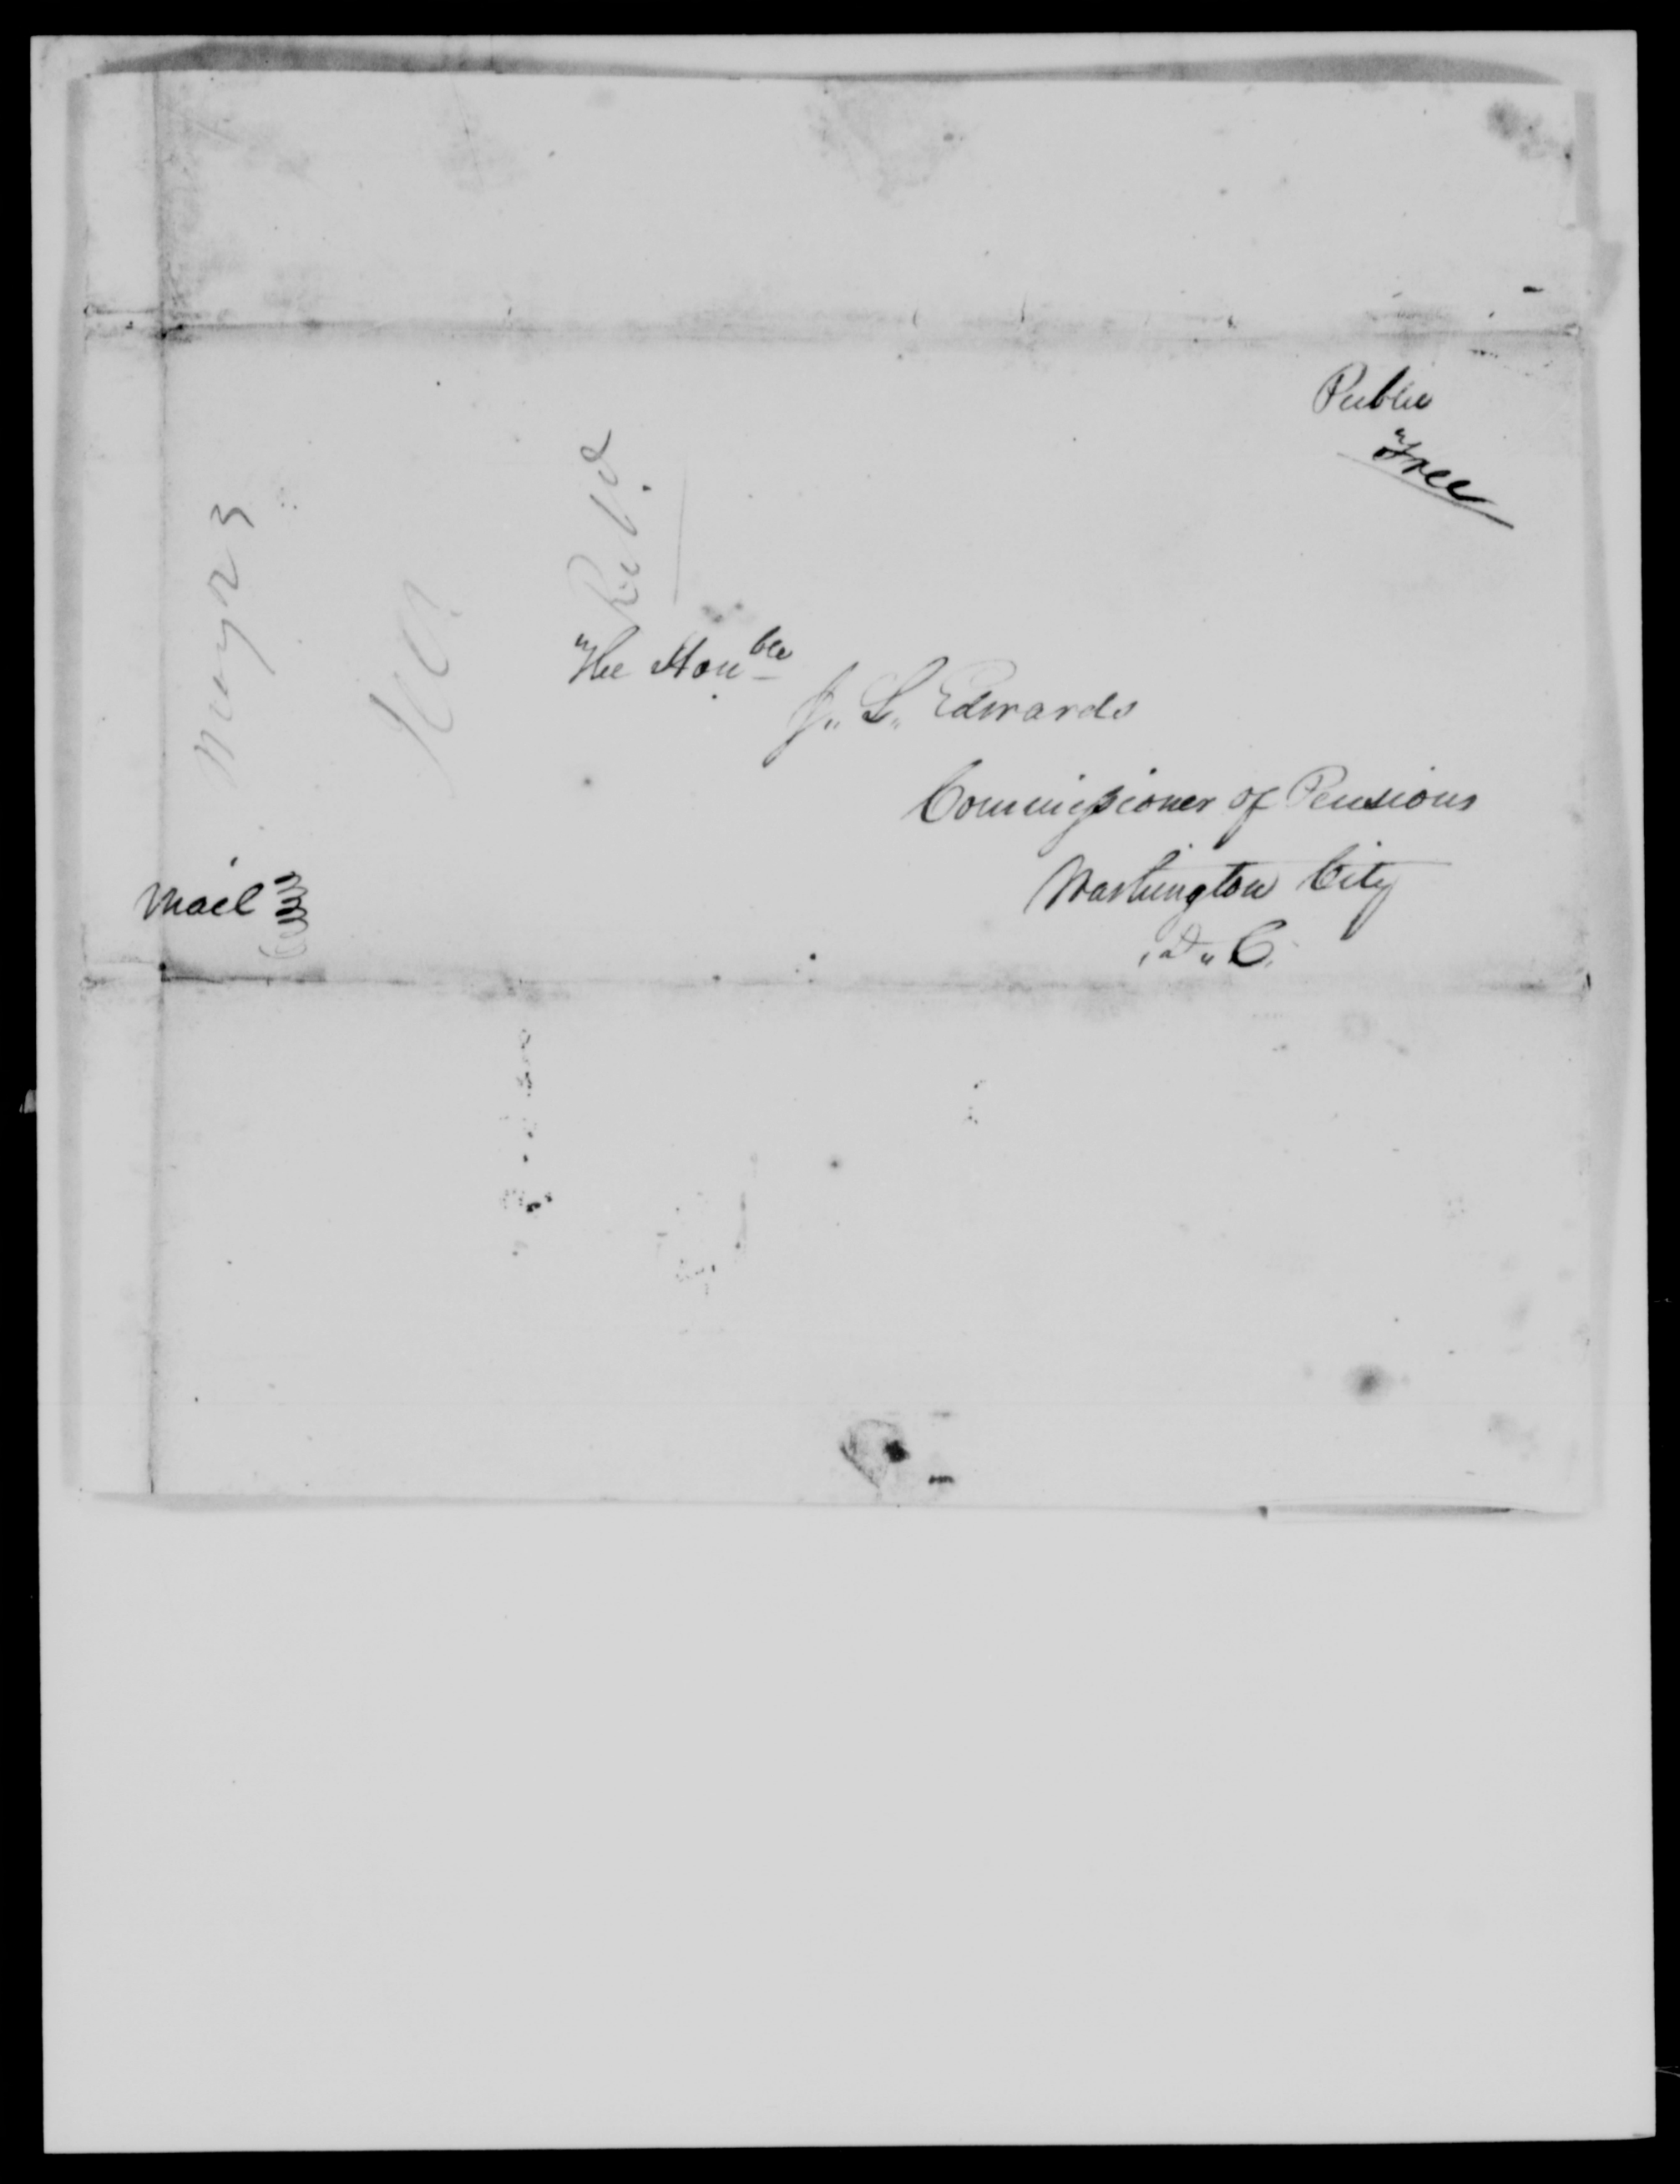Public

Free

The Hon'ble
J L Edwards
Commissioner of Pensions
Washington City

Mail

May 23   

Rec'd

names: J L Edwards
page: 20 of 31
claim: survivor's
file: S. 32608, William Wiggs, N.C.